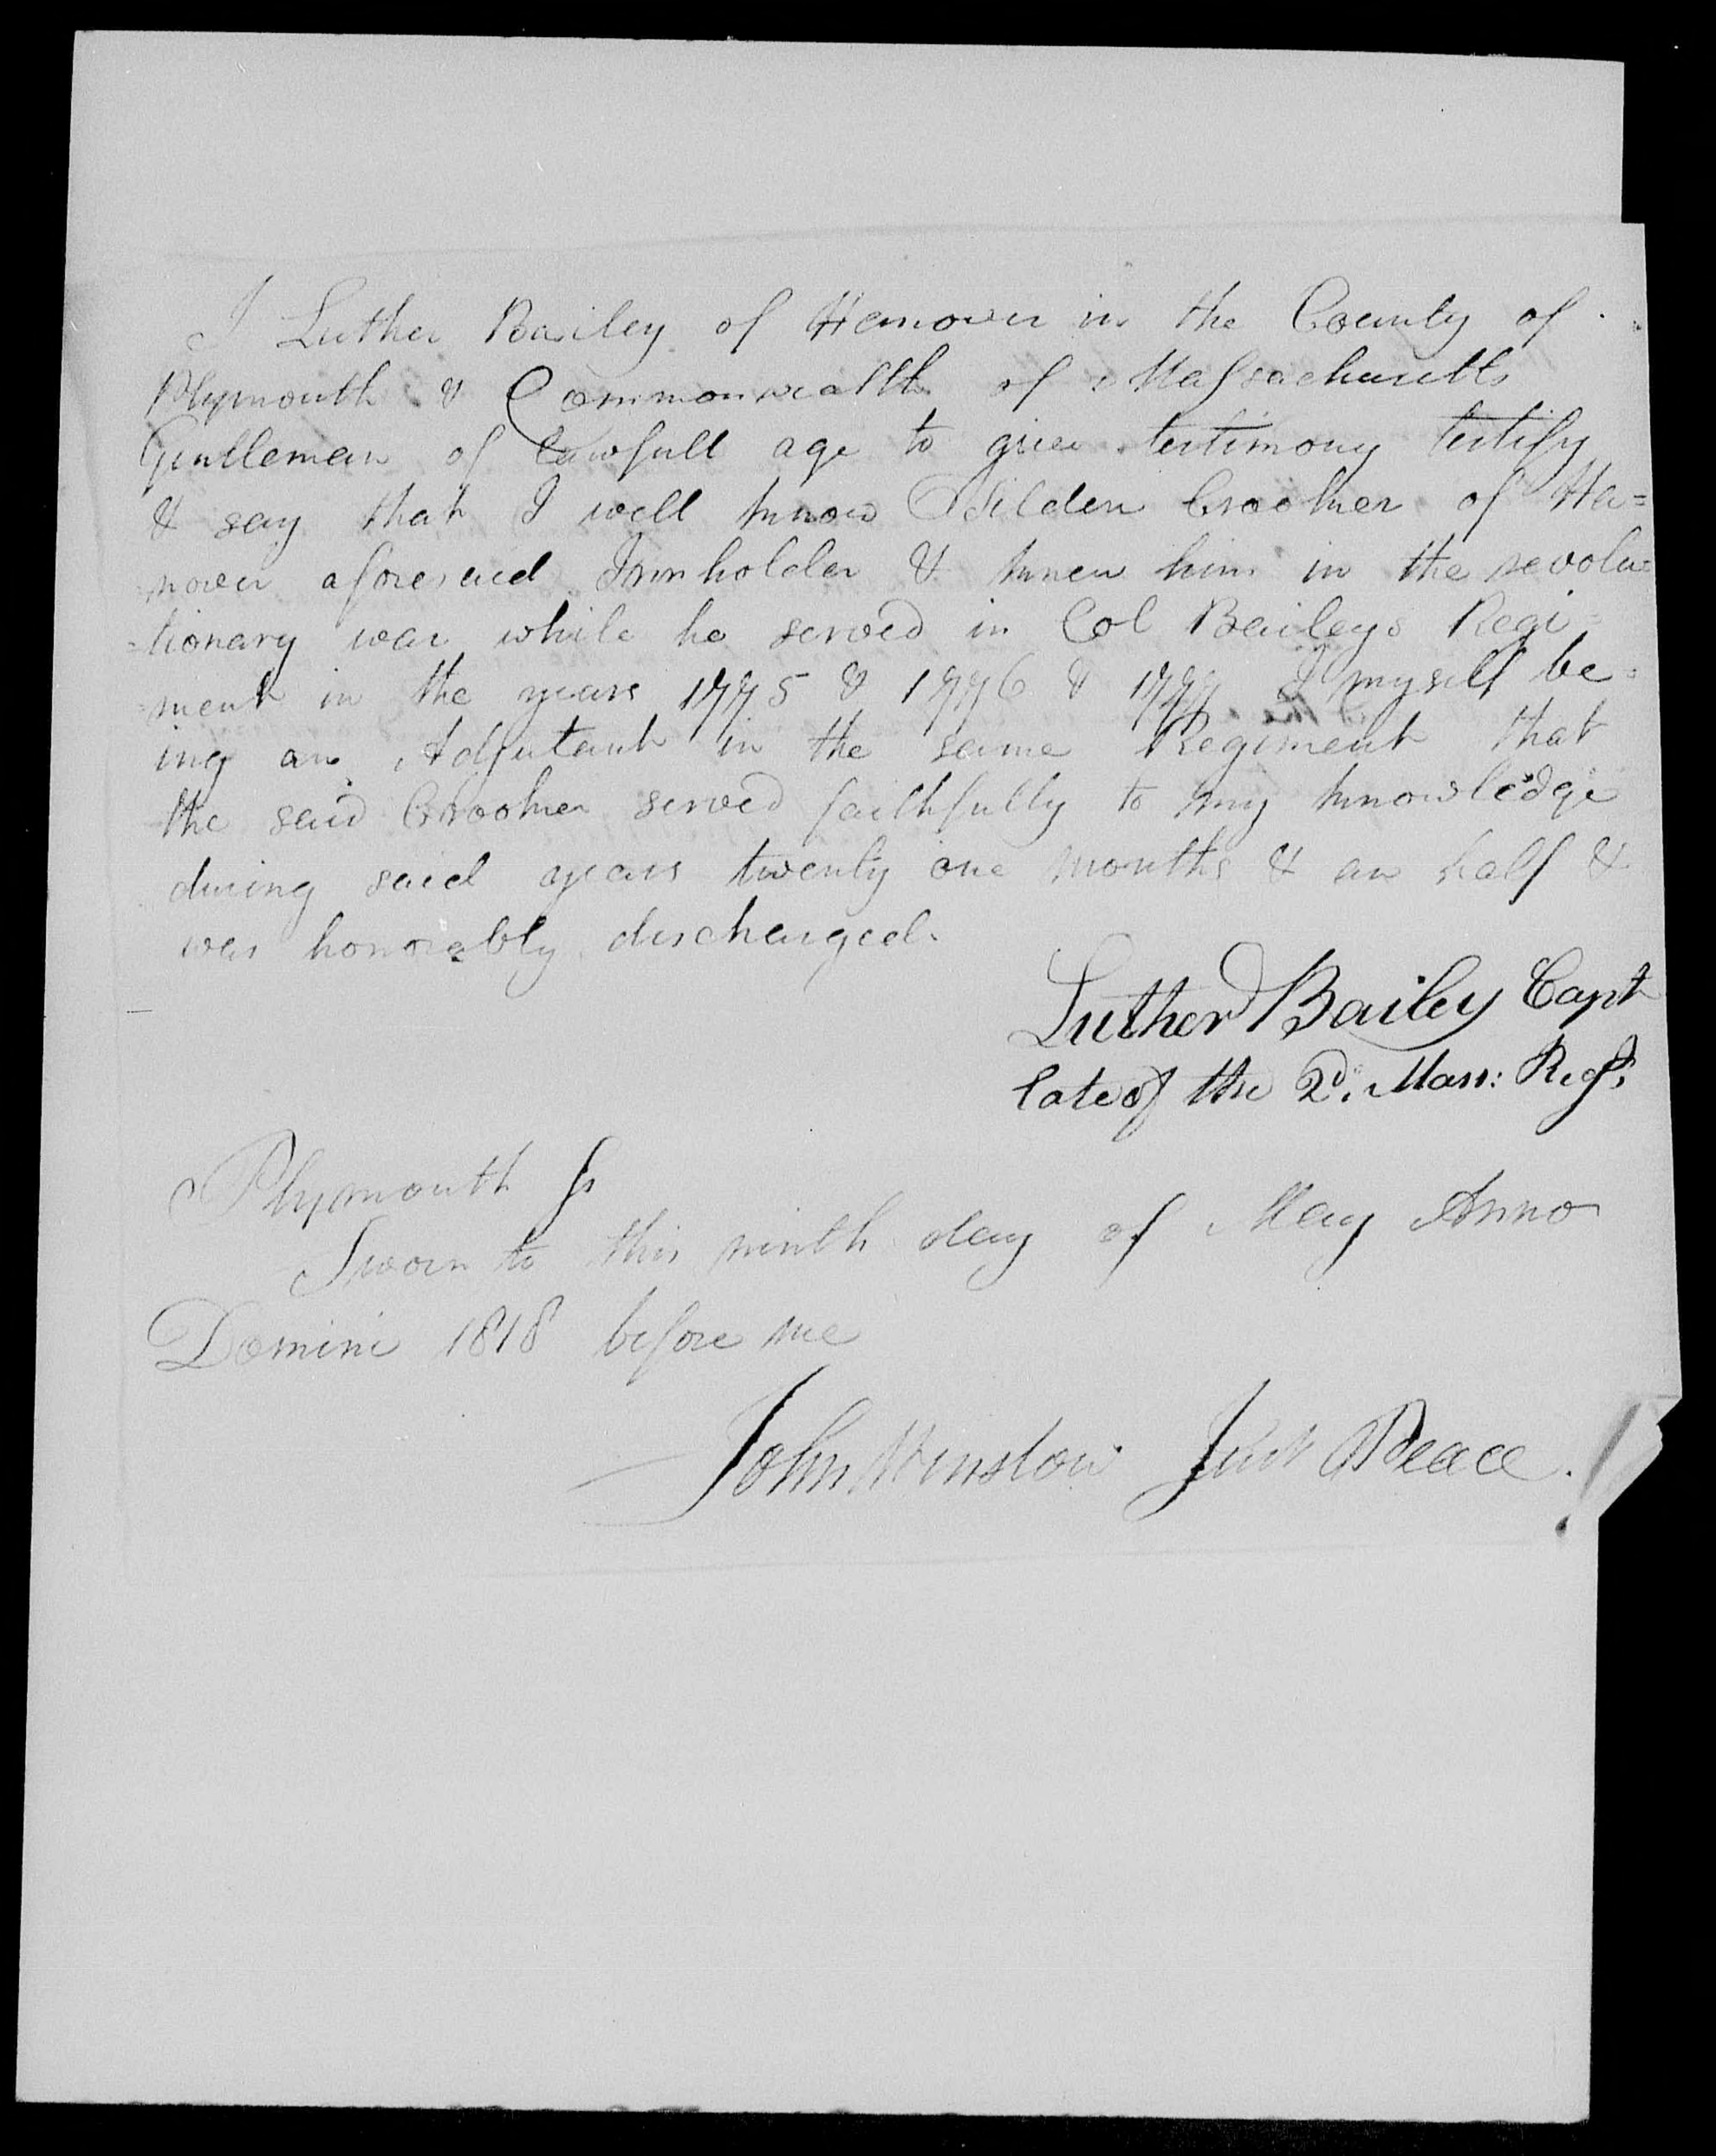I Luther Bailey of Hanover in the County of Plymouth and Commonwealth of Massachusetts Gentleman, of lawfull age to give testimony testify and say that I well know Tilden Crooker of Hanover aforesaid, ? and knew him in the revolutionary war, while he served in Col. Bailey's Regiment in the year 1775 and 1776 and 1777.  I myself being an Adjutant in the same Regiment that the said Crooker served faithfully to my knowledge during said years and twenty one months and one half and was honorably discharged.

Luther Bailey Capt.
late of the 2nd Mass. Regiment


Plymouth ss.

Sworn to this ninth day of May Anno Domini 1818 before me

John Winslow
Justice of the Peace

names: Luther Bailey, John Winslow, Tilden Crooker, Crooker, Luther Bailey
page: 31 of 33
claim: widow's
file: W. 22862, Tilden Crooker, Mass Navy